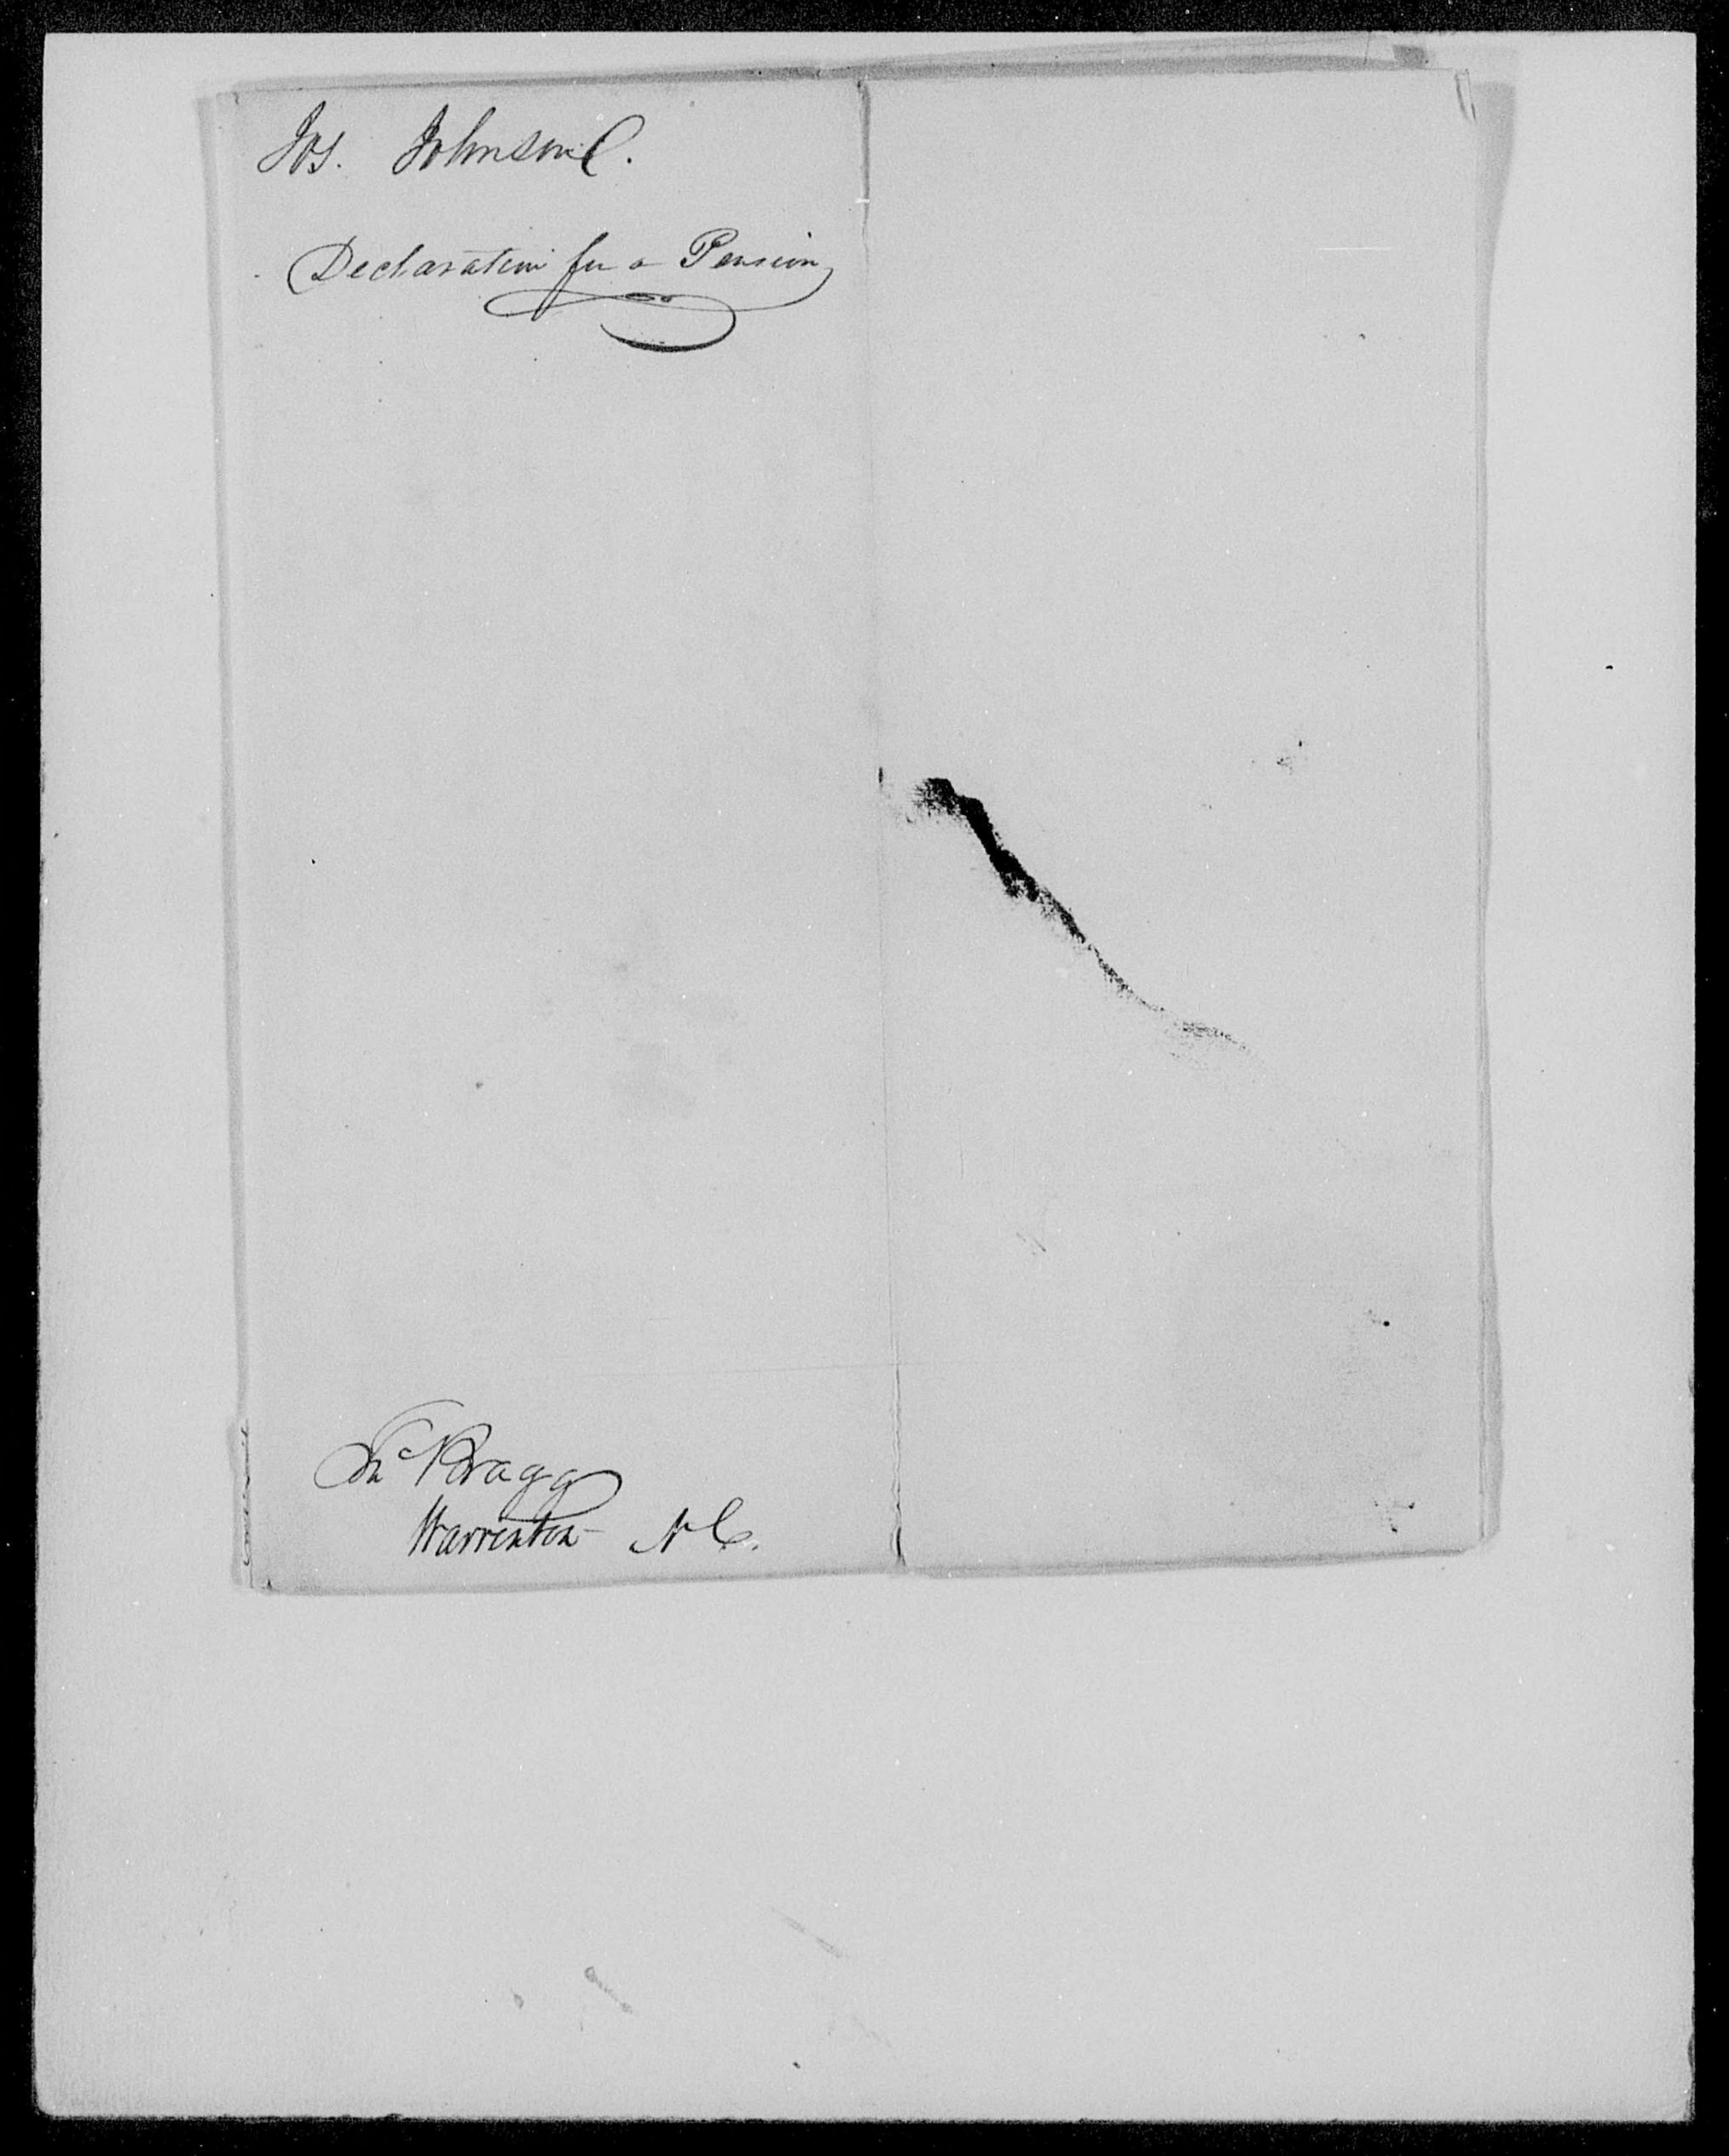[handwritten]

Jos. Johnson
Declaration for a Pension
[?] Bragg
Warrenton N.C.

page: 5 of 9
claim: survivor's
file: S. 7085, for Joseph Johnson, North Carolina